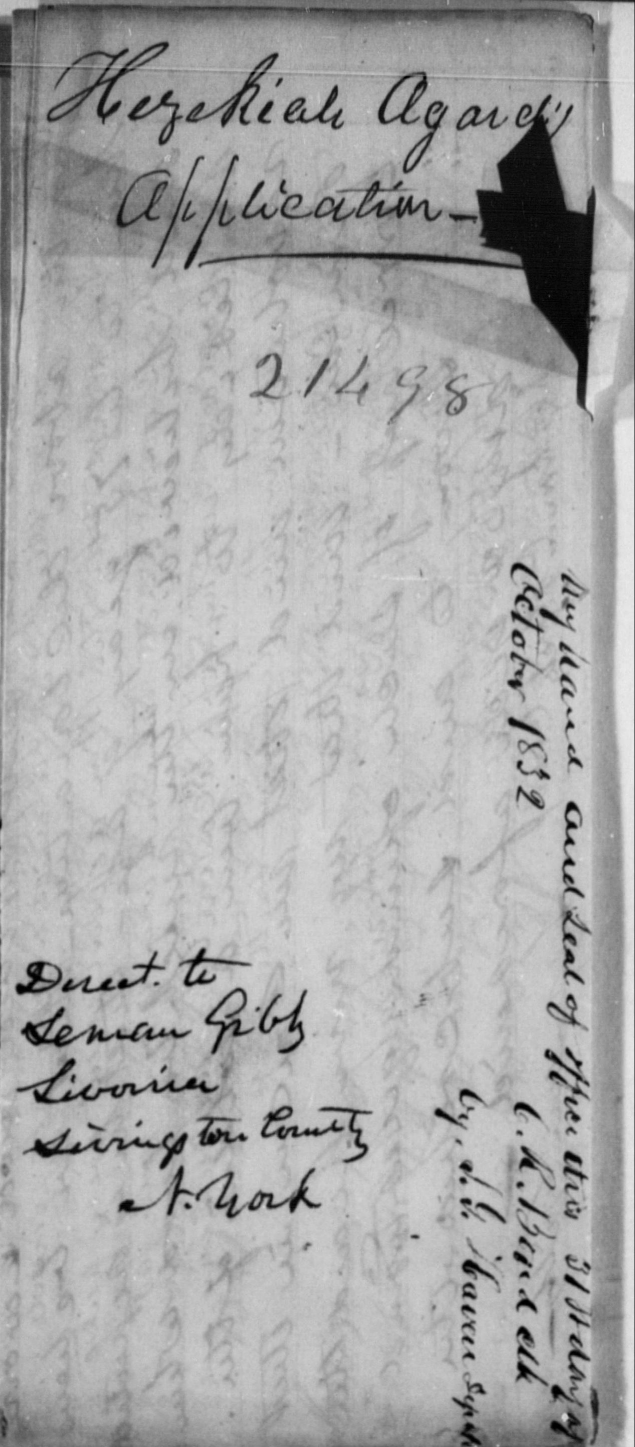Hezekiah Agard
Application
21498
Direct. to
Leman Gibbs
Livonia
Livingston County
N. York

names: Hezekiah Agard, C R Bond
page: 3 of 19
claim: survivor's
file: S. 23,092, Hezekiah Agard, Conn.